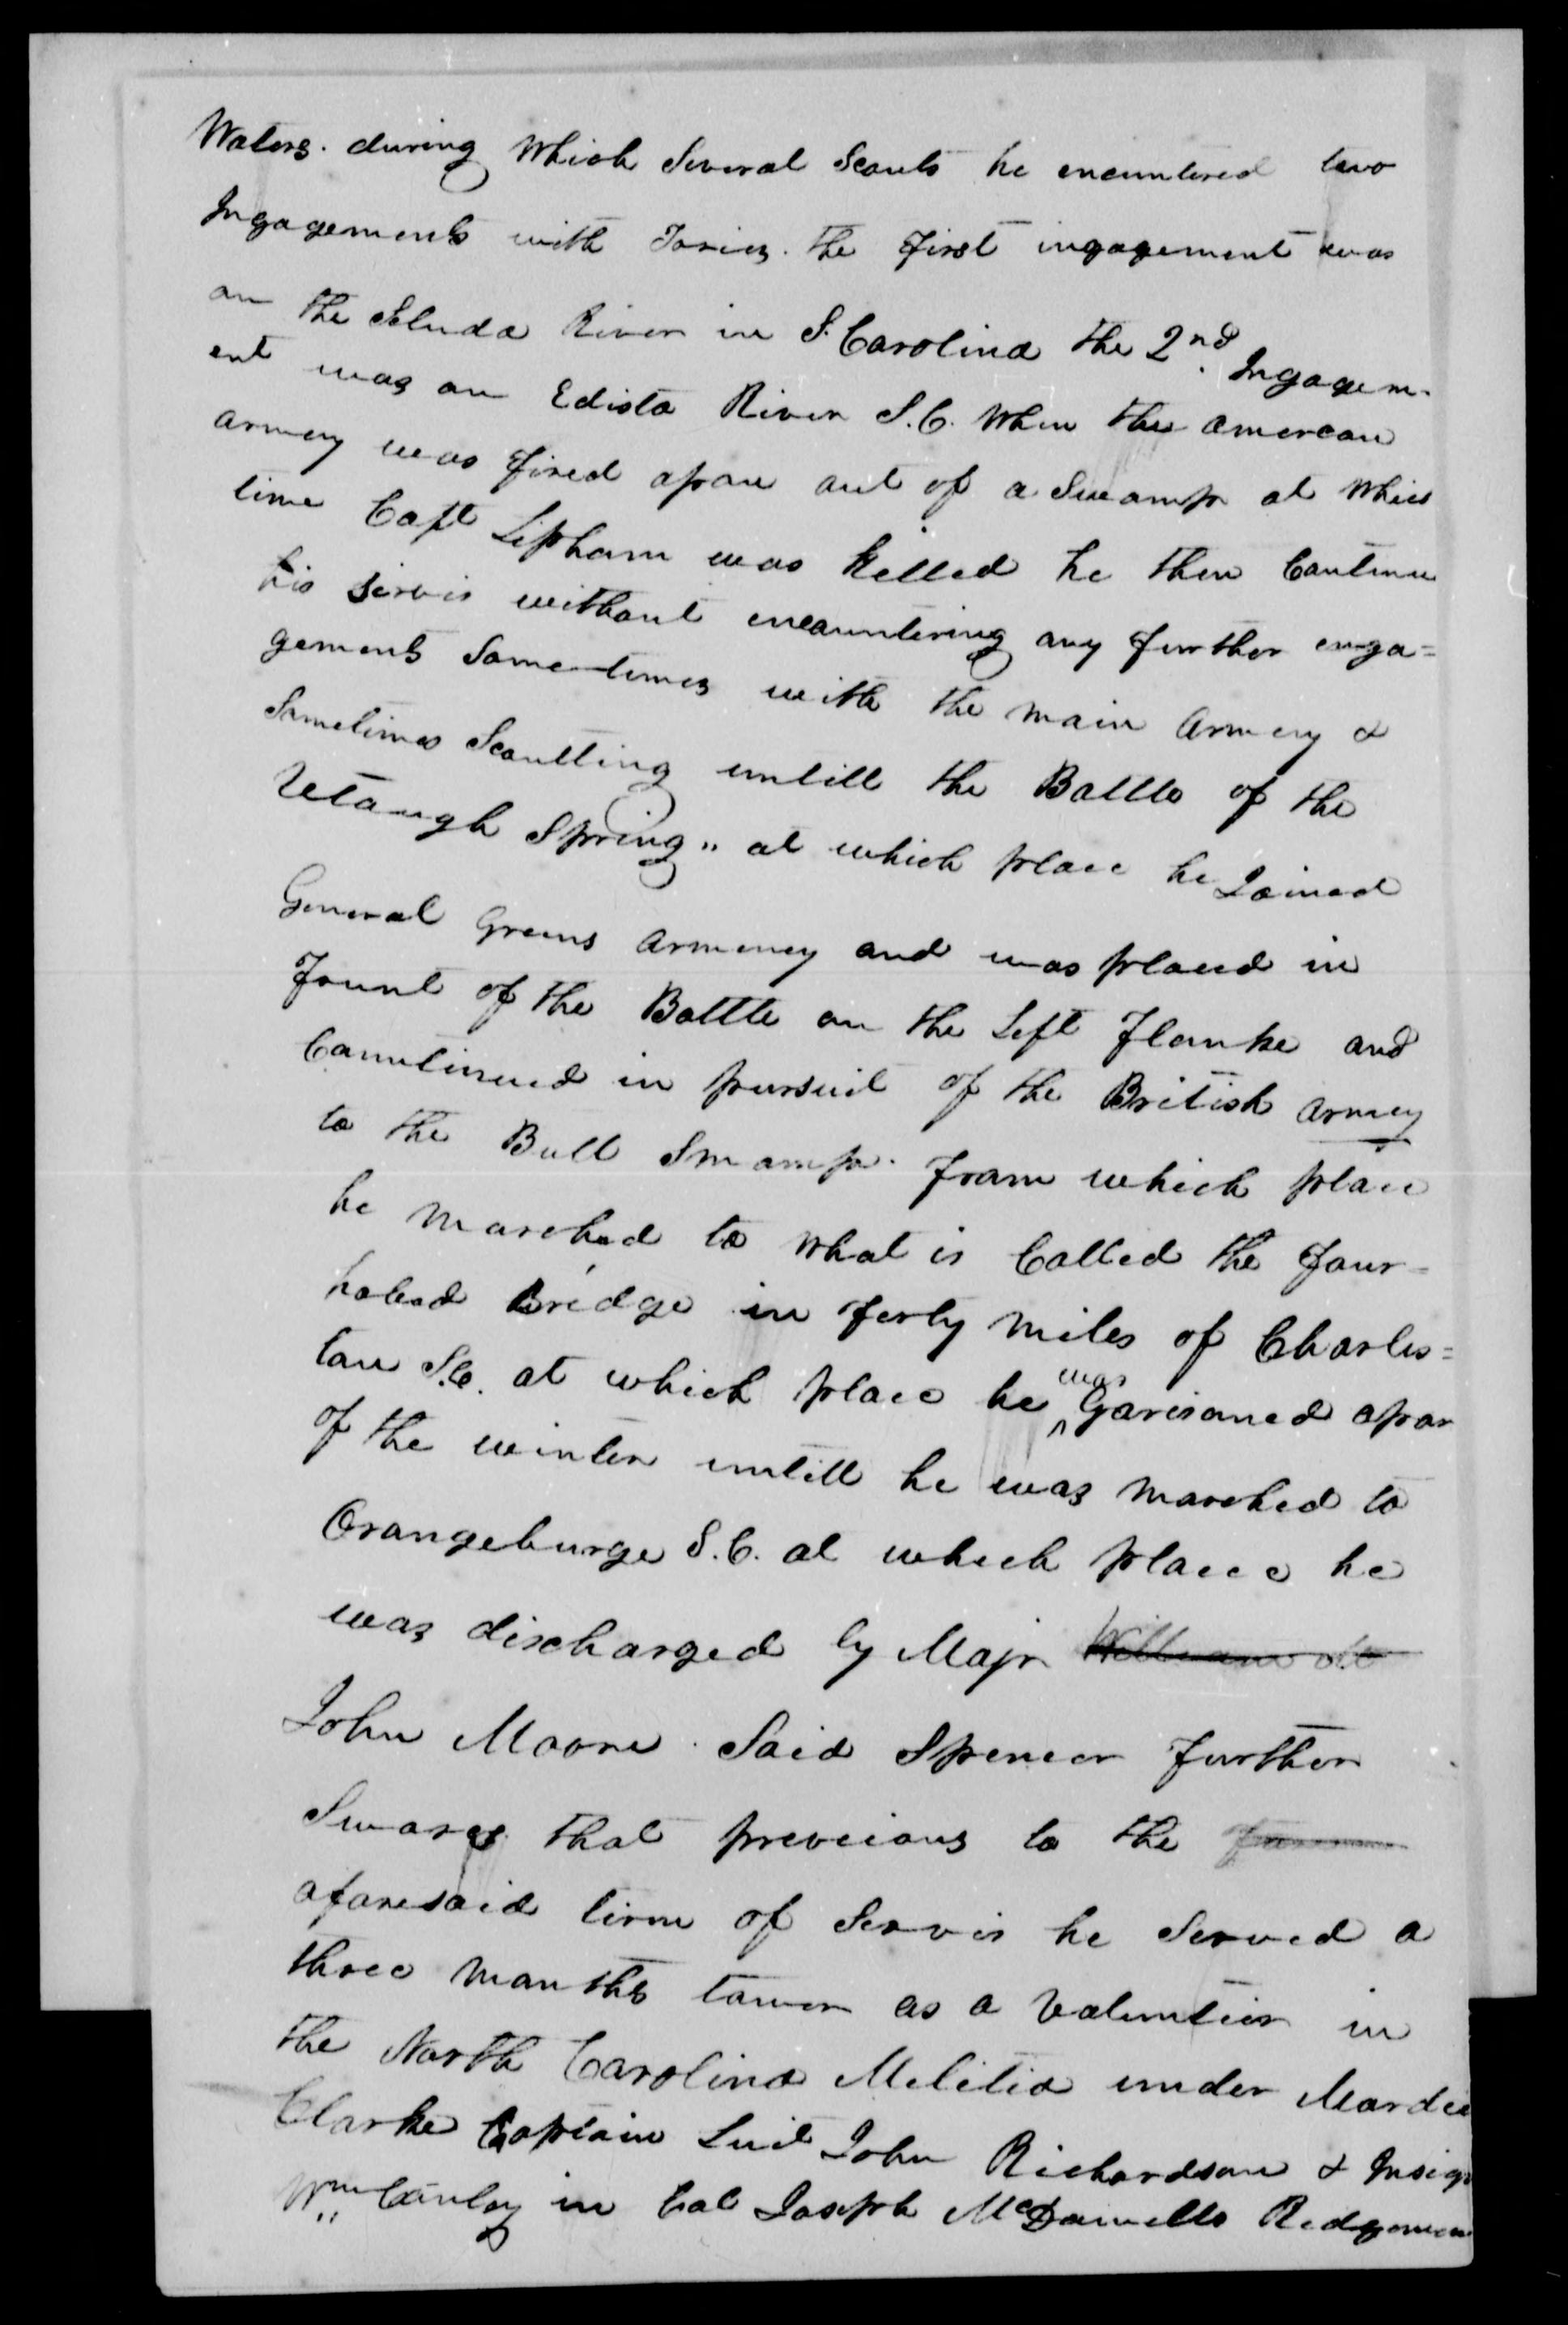Waters during which several scouts he encumbered two
engagements with the Tories. The first engagement was on the Saluda River in S. Carolina the 2nd engagement
was on Edisto River S.C. When the American army was fired upon out of a swamp at which
time Capt Lipham was killed he then continued
his service without encountering any further engagements. Some times with the main army & sometimes Scouting until the Battle of the
Eutaw Spring, at which place he joined General Greens armory and was placed in fount of the Battle on the Left Flank and continued in pursuit of the British Armey to the Bull Swamp from which place he marched to what is called the four Holes Bridge in forty miles of Charleston S.C at which place he garrisoned apar of the winter until he was marched to
Orangeburg S.C. at which place he was discharged by Major John Moore. Said Spencer further swears that previous to the
aforesaid term of service he served a three months tour as a volunteer in the North Carolina Militia under Marden Clarke Captain Luce John Richardson & Ensign
Wm Canley in Col Joseph McDanillo Redgemen (?) [next]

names: [BLANK] Waters; Wm Canley; [BLANK] Lipham; [BLANK] Spencer; John Moore; John Richardson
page: 7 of 63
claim: widow's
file: W. 6158, for Benjamin Spencer, North Carolina